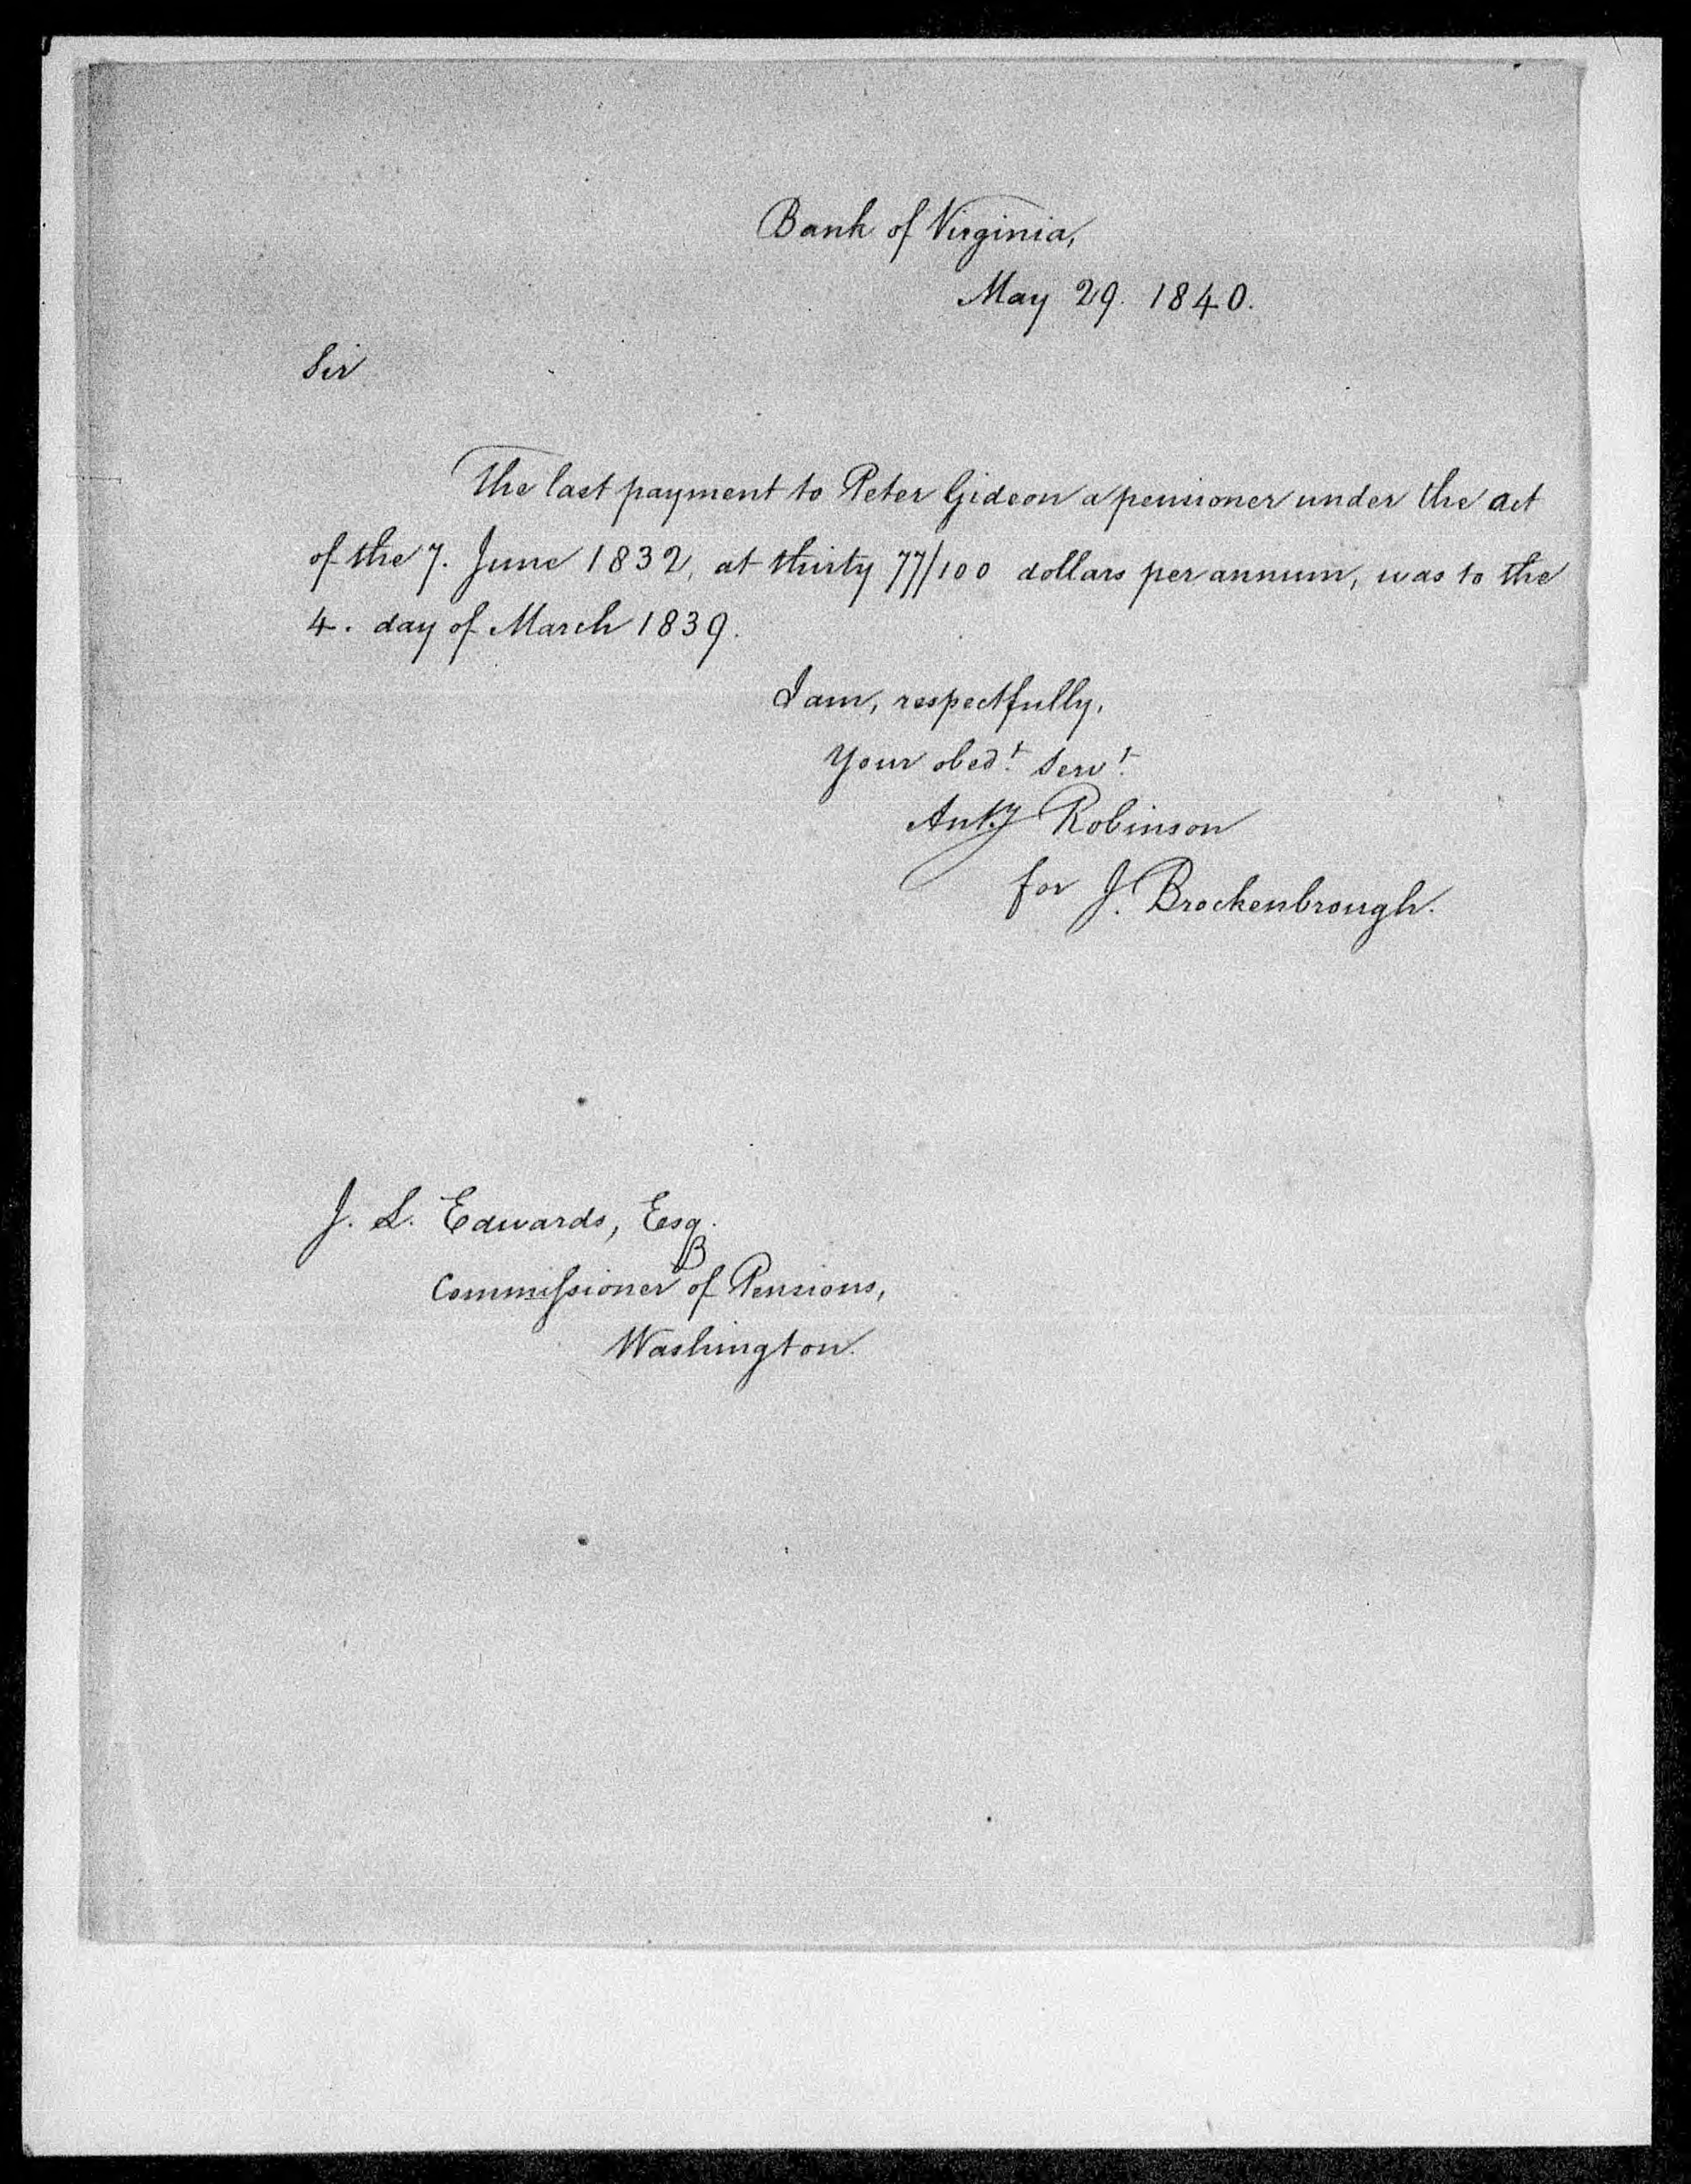Bank of Virginia,
May 29 1840

Sir
The last payment to Peter Gideon a pensioner under the act of the 7 June 1832, at thirty 77/100 dollars per annum, was to the
4 day of March 1839

I am, respectfully,
Your obedt Servt
Anty Robinson
for J. Brockenbrough


J. L. Edwards, Esq.
Commissioner of Pensions
Washington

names: J L Edwards, Anty Robinson, J Brockenbrough, Peter Gideon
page: 21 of 64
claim: survivor's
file: S. 6887, Peter Gideon, Md.